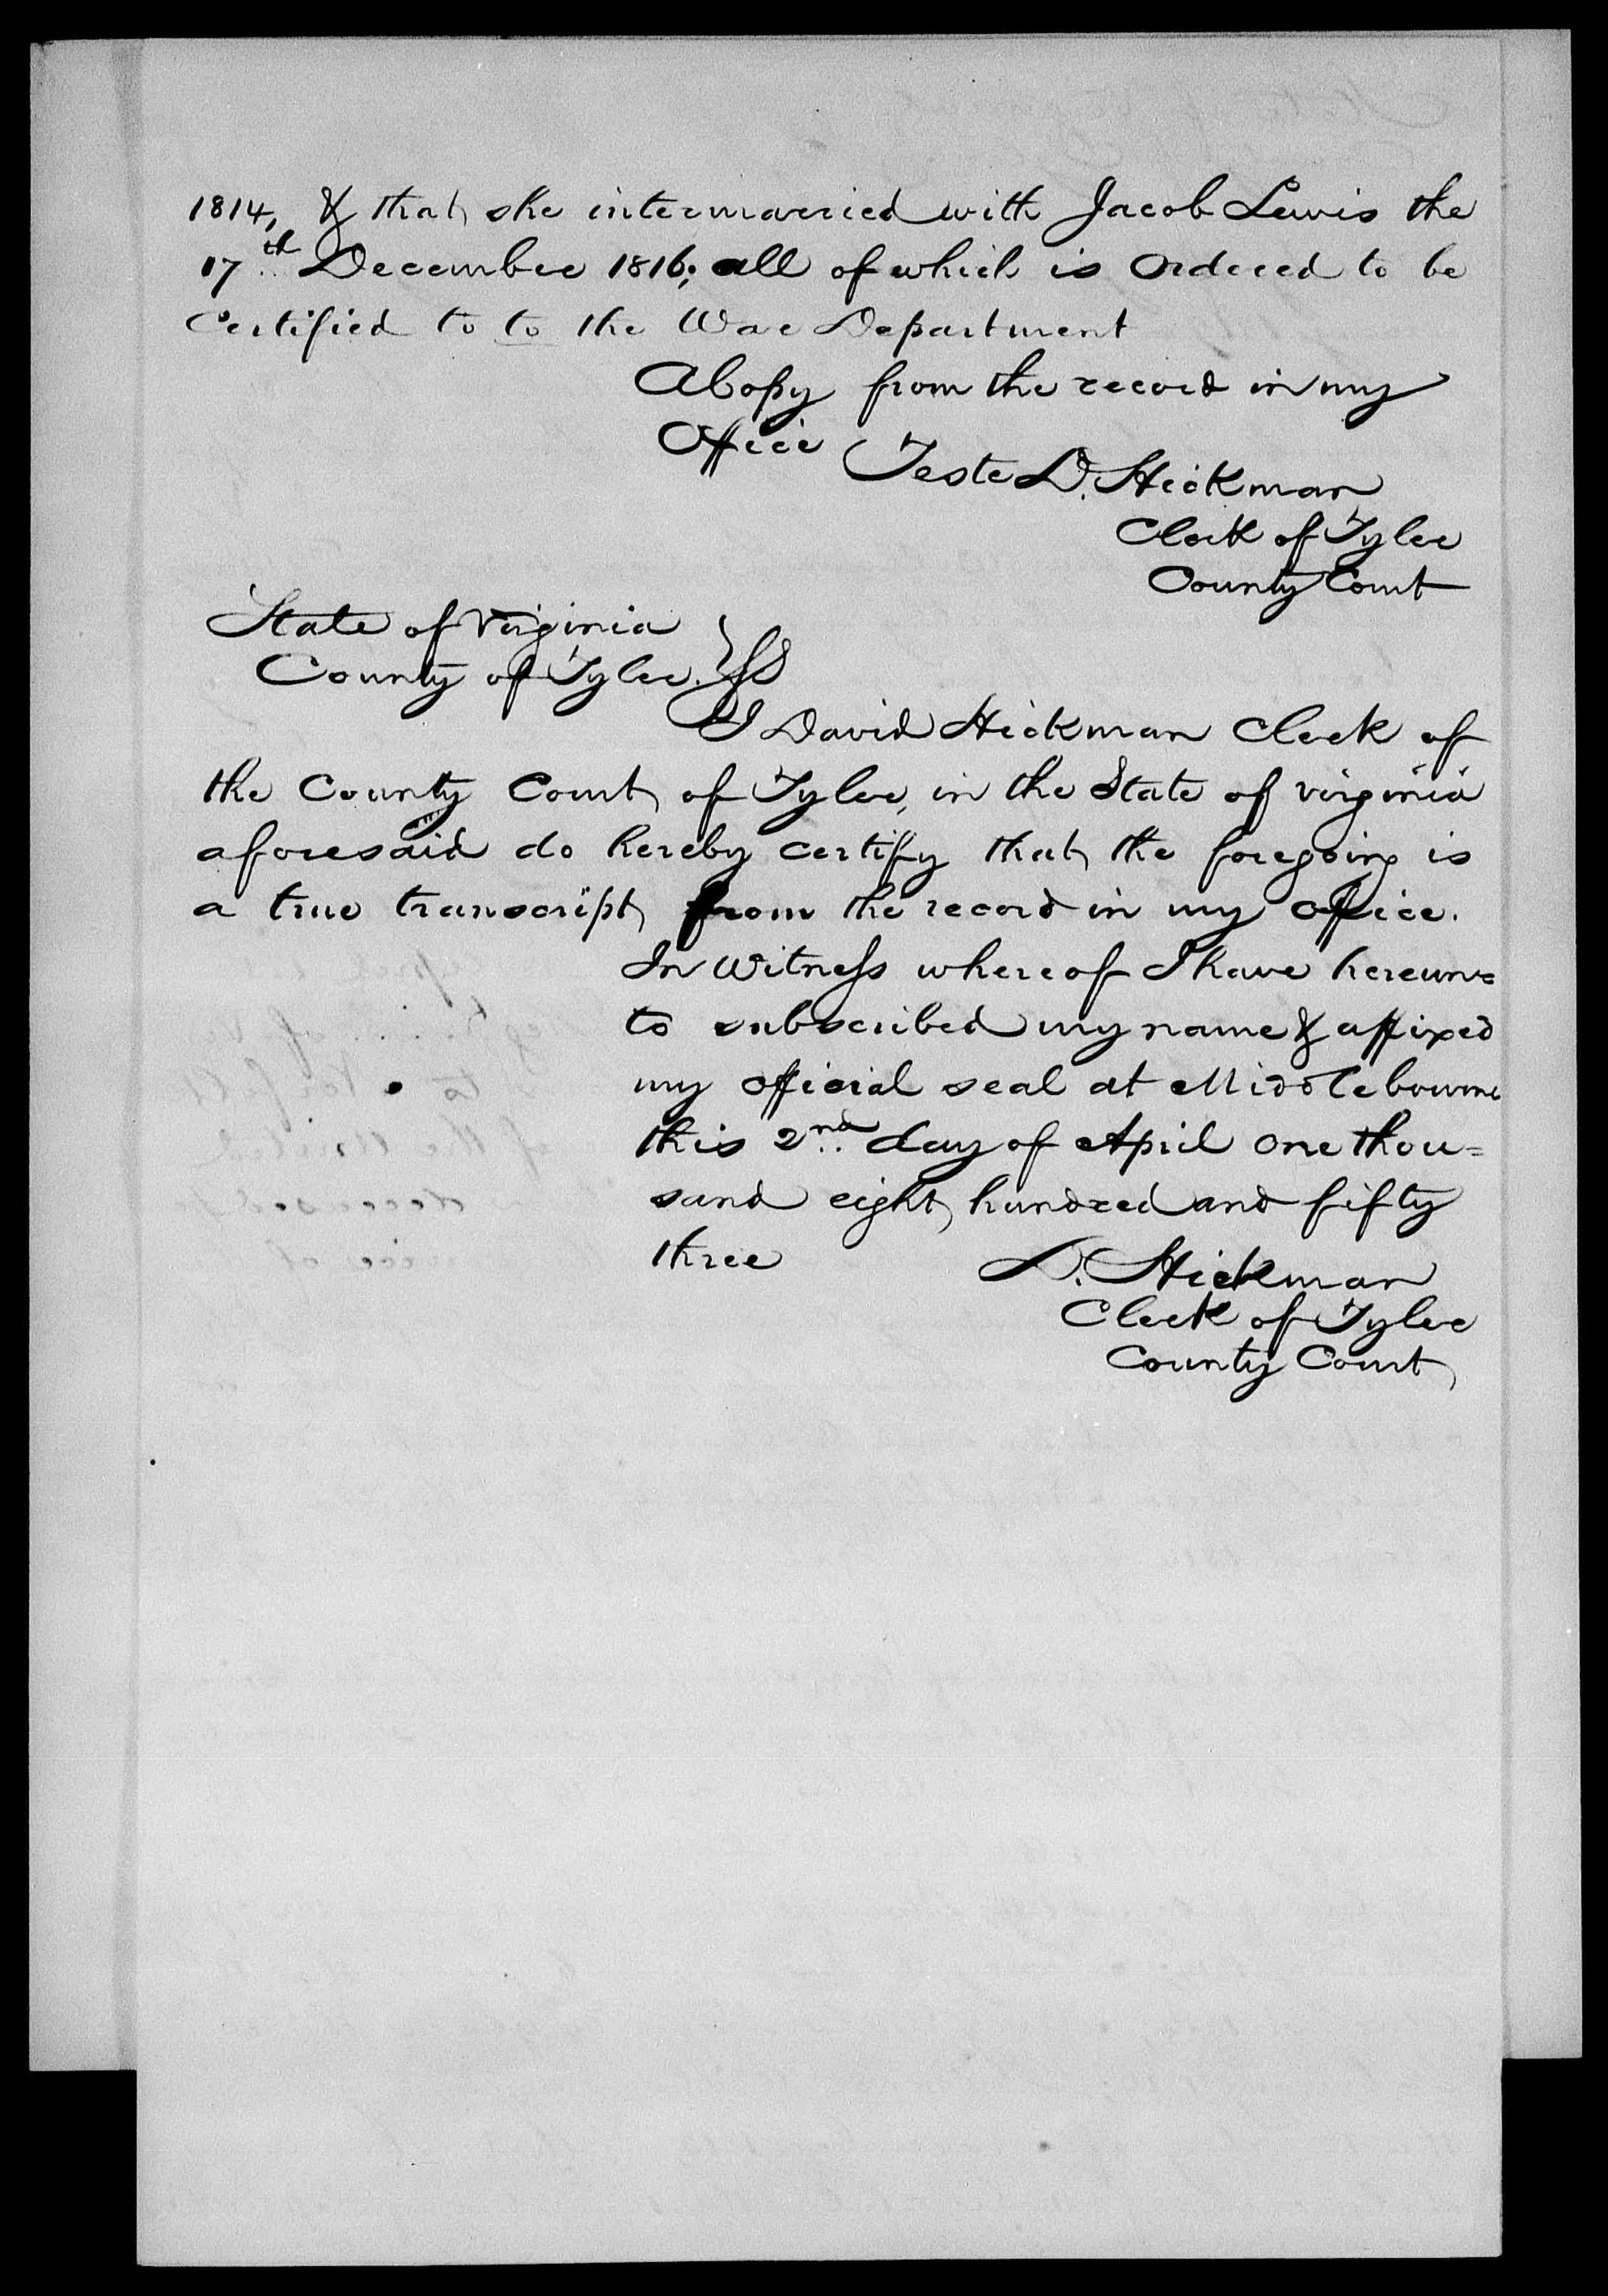1814, & that she intermarried with Jacob Lewis the 17th of December 1816; all of which is Ordered to be Certified to to the War Department
A Copy from the record in my Office
Teste D. Hickman
Clerk of Tyler County Court

State of Virginia
County of Tyler} SS
I David Hickman Clerk of the County Court of Tyler, in the State of Virginia aforesaid do hereby certify that the foregoing is a true transcript, from the record in my office.
In Witness whereof I have hereunto subscribed my name & affixed my official seal at Middlebourne this 2nd day of April one thousand eight hundred and fifty three
D. Hickman
Clerk of Tyler County Court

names: D Hickman; Jacob Lewis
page: 15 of 69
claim: widow's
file: W 8044, for Jacob Lewis, Virginia